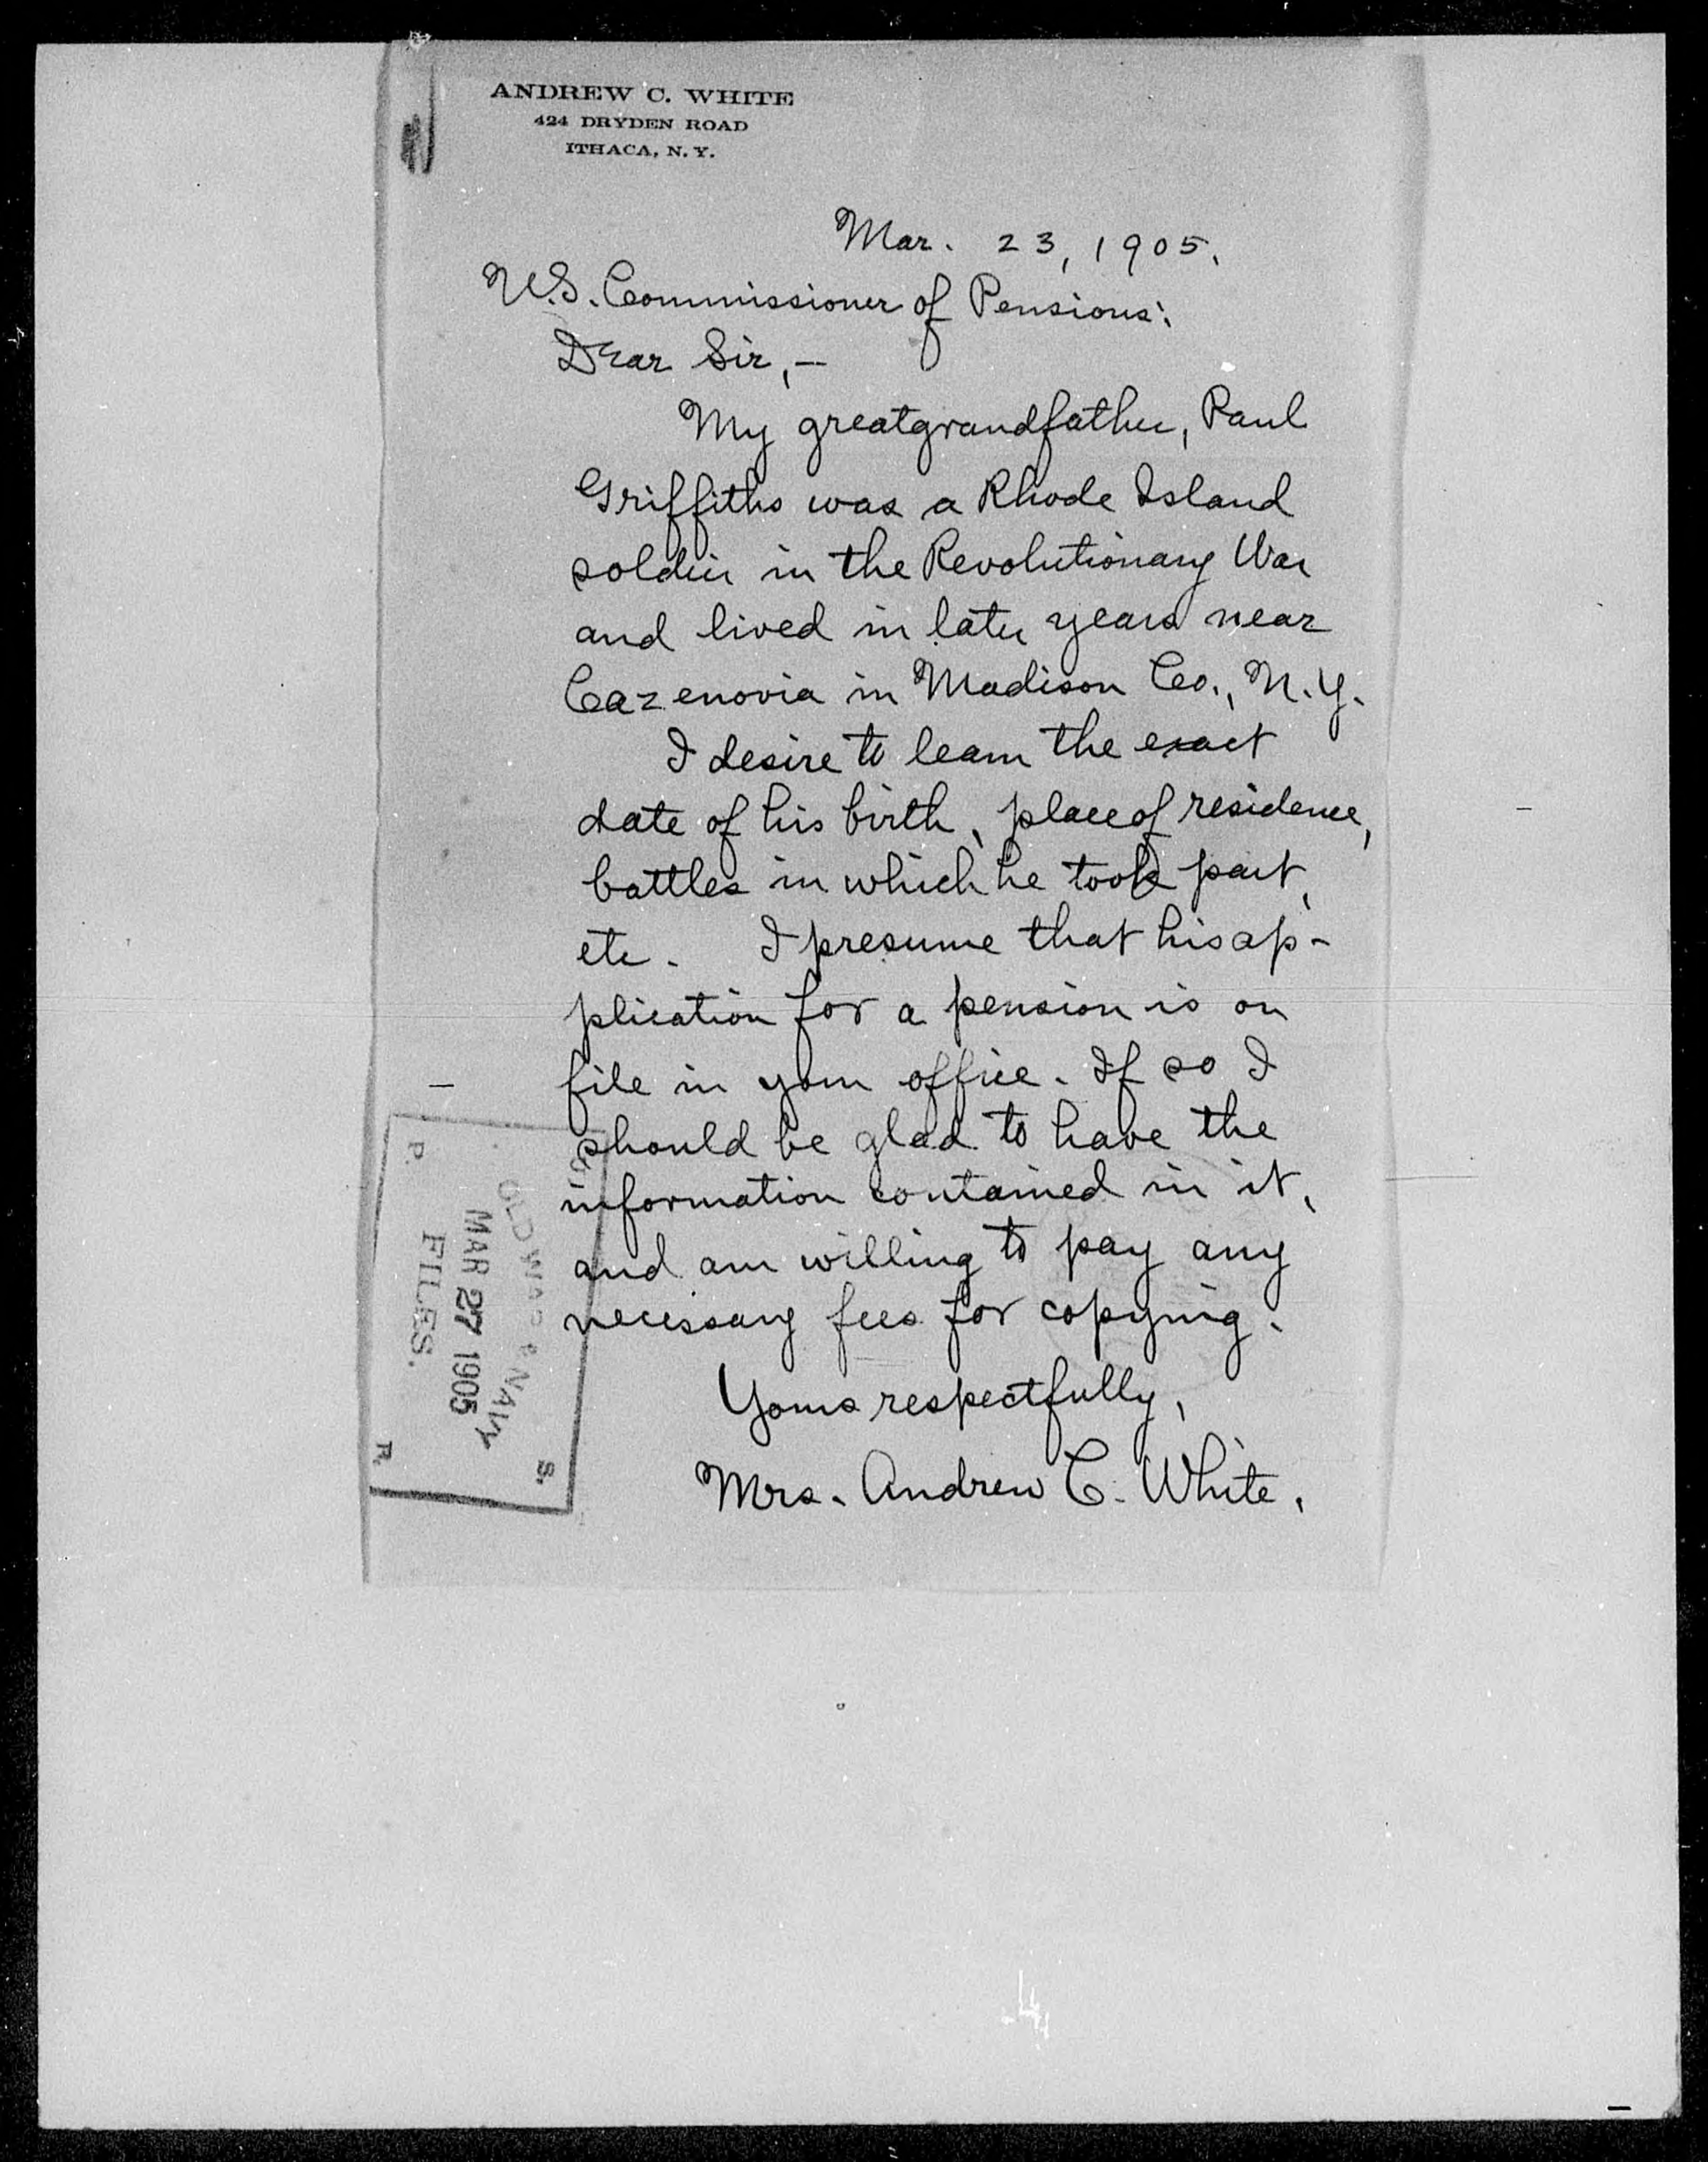ANDREW C. WHITE
424 DRYDEN ROAD
ITHACA, N.Y.

Mar. 23, 1905

U.S. Commissioner of Pensions;

Dear Sir, --

My great grandfather, Paul Griffiths was a Rhode Island soldier in the Revolutionary War and lived in later years near Cazenovia in Madison Co., N.Y.

I desire to learn the exact date of his birth, place of residence, battles in which he took part, etc. I presume that his application for a pension is on file in your office. If so, I should be glad to have the information contained in it, and am willing to pay any necessary fees for copying.

Yours respectfully,
Mrs. Andrew C. White.

[stamp]
U.S.P.P.
OLD WAR & NAVY FILES
MAR 27 1905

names: Paul Griffiths, Andrew C White, Andrew C White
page: 39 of 61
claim: survivor's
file: S. 22798, Paul Griffiths, R.I.